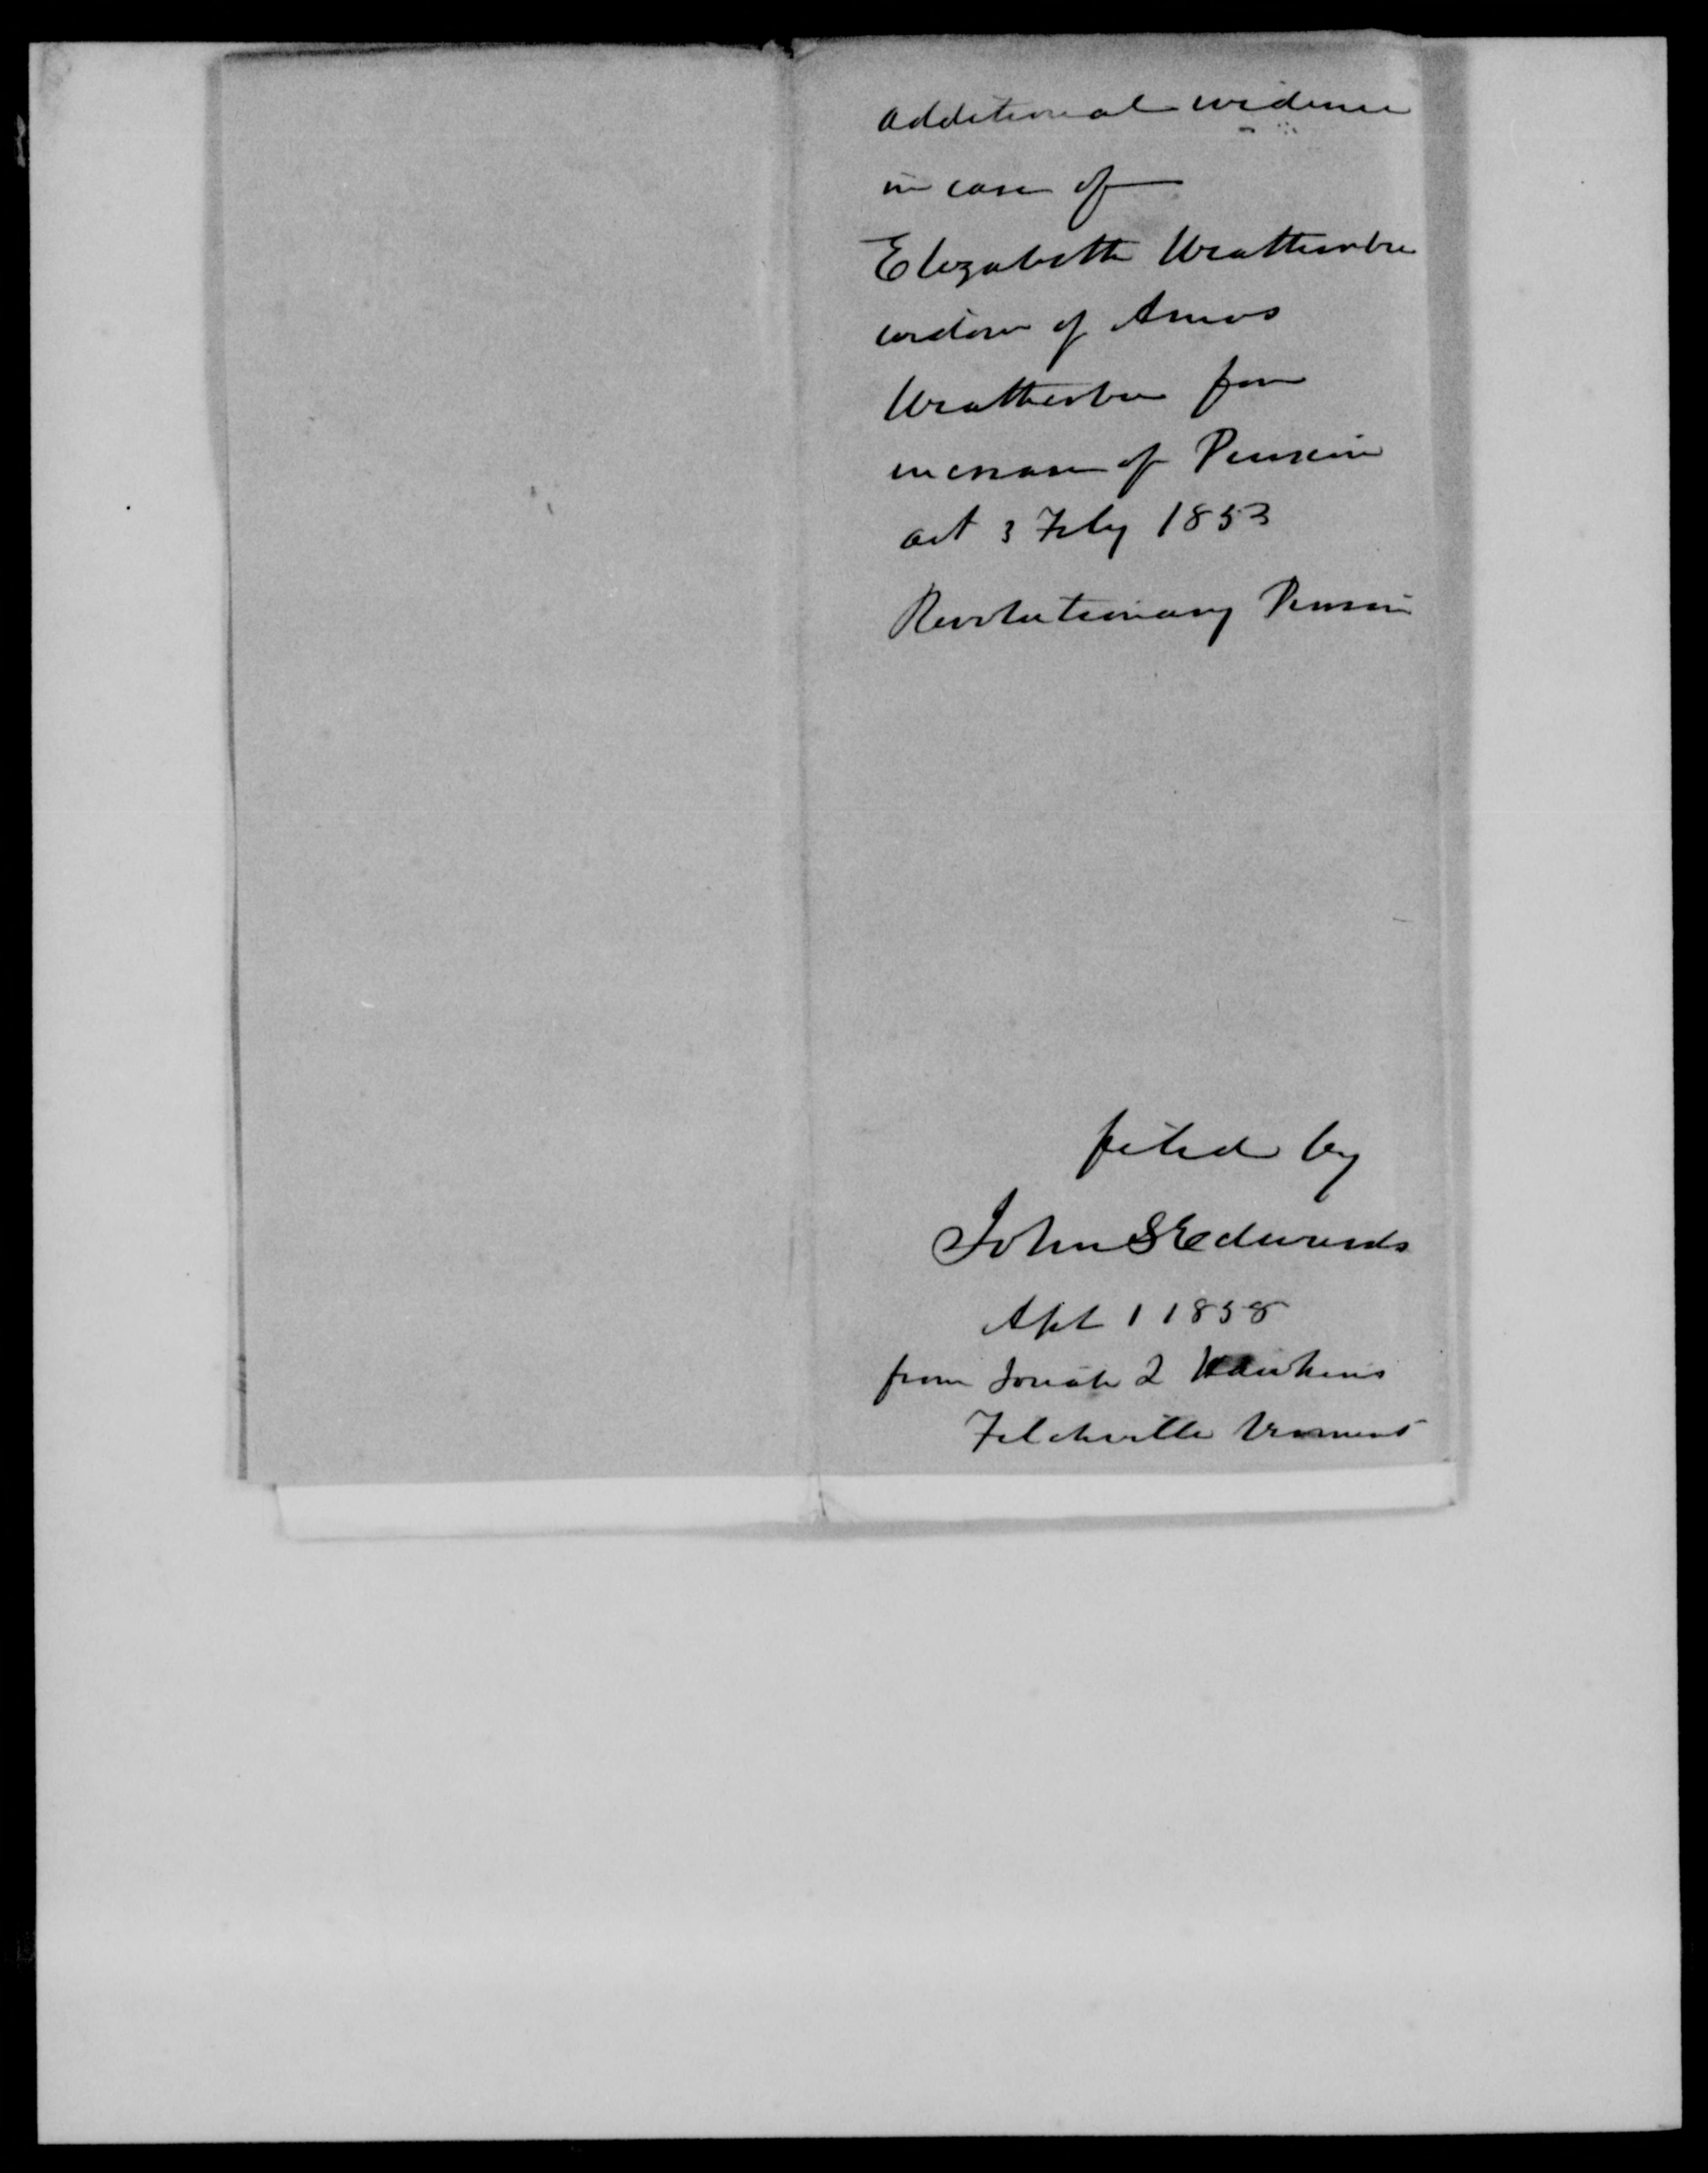additional evidence in case of Elizabeth Weatherbee widow of Amos Weatherbee for increase of pension act 3 July 1853
Revolutionary Pension

Filed by John S. Edwards Apl 1 1858
from Josiah Q Hawkins
Felchville Vermont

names: Elizabeth Weatherbee, Josiah Q Hawkins, John S Edwards, Amos Weatherbee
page: 36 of 66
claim: widow's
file: W. 2468, Amos Wetherbee, Mass.